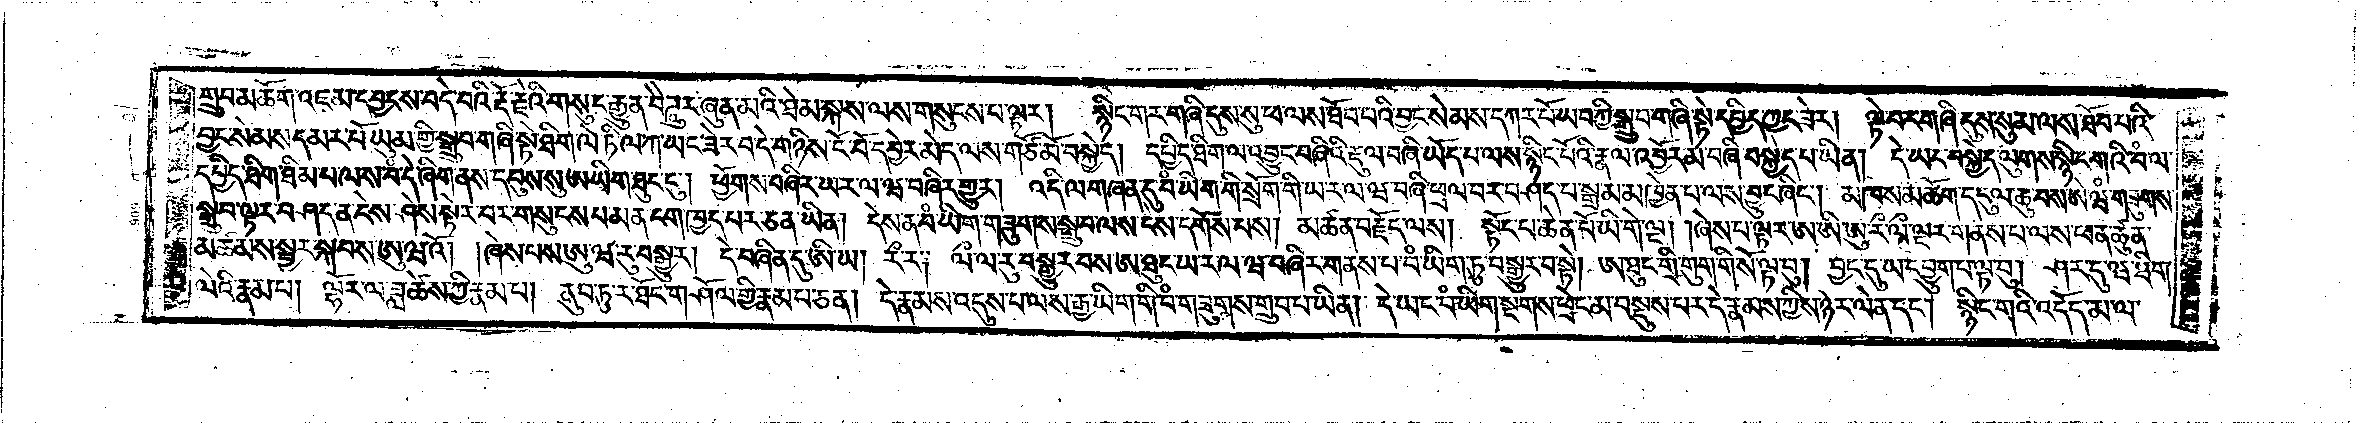གྲུབ་མཆོག་འཇམ་དབྱངས་བདེ་བའི་རྡོ་རྗེའི་གསུང་རྒྱུན་བཻ་ཌཱུར་ཞུན་མའི་ཐེམ་སྐས་ལས་གསུངས་པ་ལྟར། སྙིང་གར་གཞི་དུས་སུ་ཕ་ལས་ཐོབ་པའི་བྱང་སེམས་དཀར་པོ་ཡབ་ཀྱི་སྒྲུབ་གཞི་སྟེ་དཔྱིད་ཀྱང་ཟེར། ལྟེ་བར་གཞི་དུས་སུ་མ་ལས་ཐོབ་པའི་
བྱང་སེམས་དམར་པོ་ཡུམ་གྱི་སྒྲུབ་གཞི་སྟེ་ཐིག་ལེ་ཏི་ལ་ཀ་ཡང་ཟེར་བ་དེ་གཉིས་ངོ་བོ་དབྱེར་མེད་ལས་གཙོ་མོ་བསྐྱེད། དཔྱིད་ཐིག་ལ་འབྱུང་བཞིའི་རྡུལ་བཞི་ཡོད་པ་ལས་སྙིང་པོའི་རྣལ་འབྱོར་མ་བཞི་བསྐྱེད་པ་ཡིན། དེ་ཡང་བསྐྱེད་ལུགས་སྙིང་གའི་བཾ་ལ་
དཔྱིད་ཐིག་ཐིམ་པ་ལས་བཾ་དེ་ཞིག་ནས་དབུས་སུ་ཨ་ཡིག་ཐུང་ངུ། ཕྱོགས་བཞིར་ཡ་ར་ལ་ཝ་བཞིར་གྱུར། འདི་ལ་གཞན་དུ་བཾ་ཡིག་གི་སྲོག་གི་ཡ་ར་ལ་ཝ་བཞི་ཕྲལ་བར་བཤད་པ་སྒྲ་མ་མཁྱེན་པ་ལས་བྱུང་ཞིང་། མཁས་མཆོག་དངུལ་ཆུ་བས་ཨེ་ཝཾ་གཟུགས་
སྒྲུབ་ལྟར་བཤད་ན་ངེས་ཤེས་སྟེར་བར་གསུངས་པ་མན་ངག་ཁྱད་པར་ཅན་ཡིན། དེས་ན་བཾ་ཡིག་གཟུགས་སྒྲུབ་ལས་ངེས་དགོས་པས། མཚན་བརྗོད་ལས། སྟོང་པ་ཆེན་པོ་ཡི་གེ་ལྔ། །ཞེས་པ་ལྟར་ཨ་ཨི་ཨུ་རྀ་ལྀ་ལྔར་གནས་པ་ལས་ཕན་ཚུན་
མཚམས་སྦྱར་སྐབས་ཨུ་ཝའོ། །ཞེས་པས་ཨུ་ཝ་རུ་བསྒྱུར། དེ་བཞིན་དུ་ཨི་ཡ། རྀ་ར༑ ལྀ་ལ་རུ་བསྒྱུར་བས་ཨ་ཐུང་ཡ་ར་ལ་ཝ་བཞིར་གནས་པ་བཾ་ཡིག་ཏུ་བསྒྱུར་བ་སྟེ། ཨ་ཐུང་གྲི་གུག་གི་སོ་ལྟ་བུ། བྱང་དུ་ཡ་དབྱུག་པ་ལྟ་བུ། ཤར་དུ་ཝ་ཐིག་
ལེའི་རྣམ་པ། ལྷོར་ལ་ཟླ་ཚེས་ཀྱི་རྣམ་པ། ནུབ་ཏུ་ར་ཐོང་གཤོལ་གྱི་རྣམ་པ་ཅན། དེ་རྣམས་འདུས་པ་ལས་རྒྱ་ཡིག་གི་བཾ་གཟུགས་གྲུབ་པ་ཡིན། དེ་ཡང་བཾ་ཡིག་སྔགས་ཕྲེང་མ་བསྡུས་བར་དེ་རྣམས་ཀྱིས་ཉེར་ལེན་དང་། སྙིང་གའི་འདོད་མ་ལ་